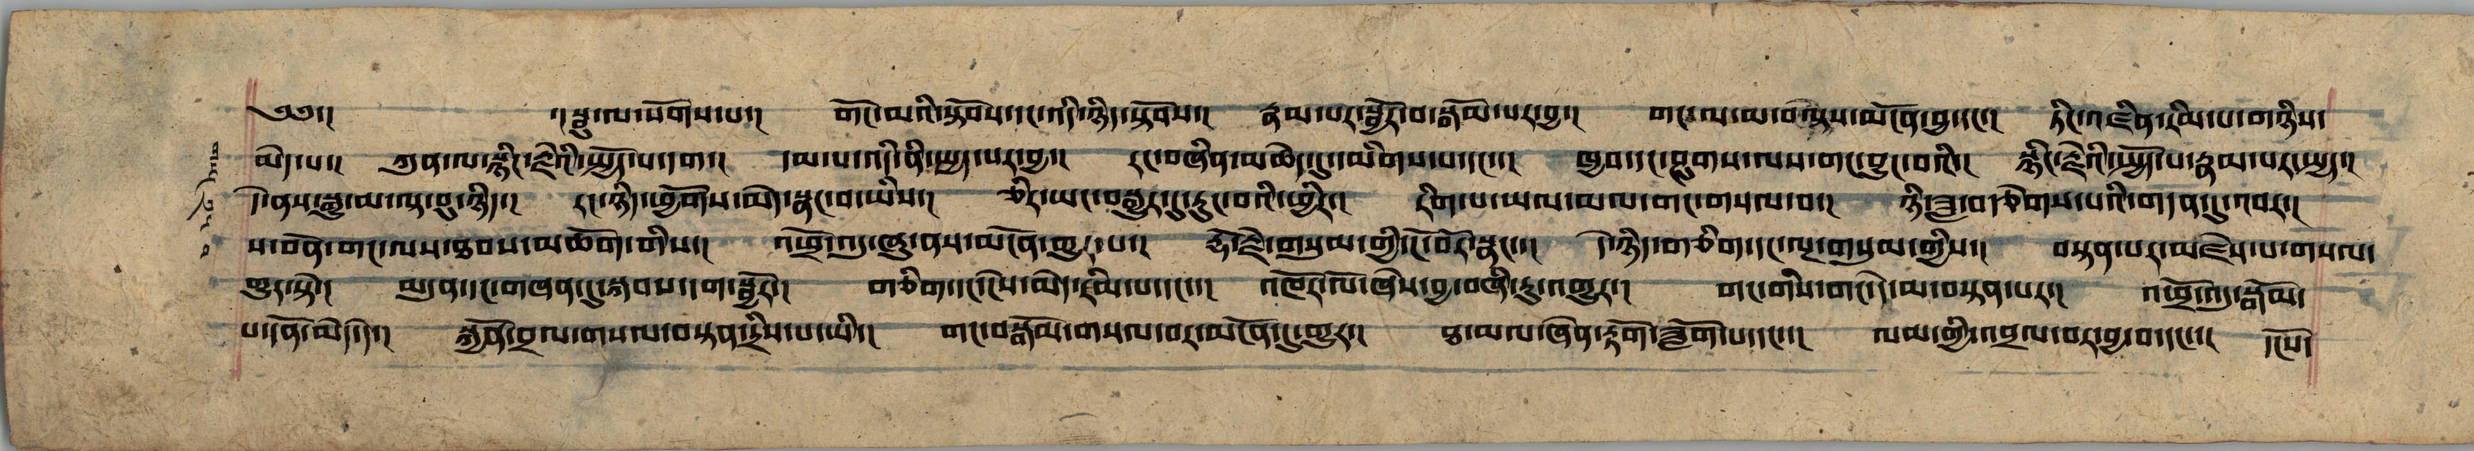༄༅་། ་།སྦུ་ལ་སོགས་པ་། གོང་མའི་སྟོབས་དང་འདི་ཉིད་སྟོབས་། རྣམ་པར་སྦྱོར་བ་སྒོམ་པར་བྱ་། གང་ལ་མ་བལྟས་མངོན་བྱ་དང་་། ཏིང་འཛིན་རིམ་པ་གཉིས་
མེད་པ་། ཀུན་ལ་སྙིང་རྗེའི་སྤྱོད་པ་དག་། དམ་པ་འདི་ནི་སྤྱད་པར་བྱ་། རང་བཞིན་མཆེད་དུ་དམིགས་པ་དང་་། ཁྱབ་དང་ཤུགས་ལས་གང་བྱུང་བའི་། སྙིང་རྗེའི་སྤྱོད་པ་རྣམ་པར་སྤྱད་།
དེ་ནས་སྒྱུ་མ་ལྟ་བུ་ཉིད་། རང་ཉིད་ཕྱོགས་མེད་སྣང་བ་ཡིས་། ཅིར་ཡང་བསྒྱུར་དུ་རུང་བའི་ཕྱིར་། རིག་པ་ཡལ་མལ་གང་གསལ་བ་། ཉི་ཟླ་བརྩེགས་པའི་གདན་དུ་འབར་།
ས་བོན་གང་ལས་ཐབས་མཆོག་གིས་། འཕྲོ་འདུ་ཞུ་ནས་མངོན་གྱུར་པ་། རྡོ་རྗེ་གསུམ་གྱི་ངོ་བོར་སྣང་་། དེ་ཉིད་བརྩིག་དང་ལྔ་གསུམ་གྱིས་། བསྟན་པར་མཛེས་པ་གསལ་
གྱུར་སྟེ་། མདུན་དང་གཞན་དུ་སྐབས་དག་སྦྱོར་། གཅིག་དང་ངེས་མེད་རིམ་པ་དང་་། འཁོར་ལོ་ཞེས་བྱ་བཞི་རུ་འགྱུར་། གང་གིས་གང་དེ་མ་བསྟན་པར་། འཕྲོ་འདུ་སྒོམ་
པ་དོན་མེད་དེ་། སྐྱོན་བྲལ་གསལ་བསྟན་དྲིས་པ་ཡི་། གང་བསྒོམ་གསལ་བར་མངོན་དུ་གྱུར་། ཐ་མལ་ཞེན་རྟོག་ཟློག་པ་དང་་། ལམ་གྱི་འབྲལ་བར་བྱ་བ་དང་་། དངོས་